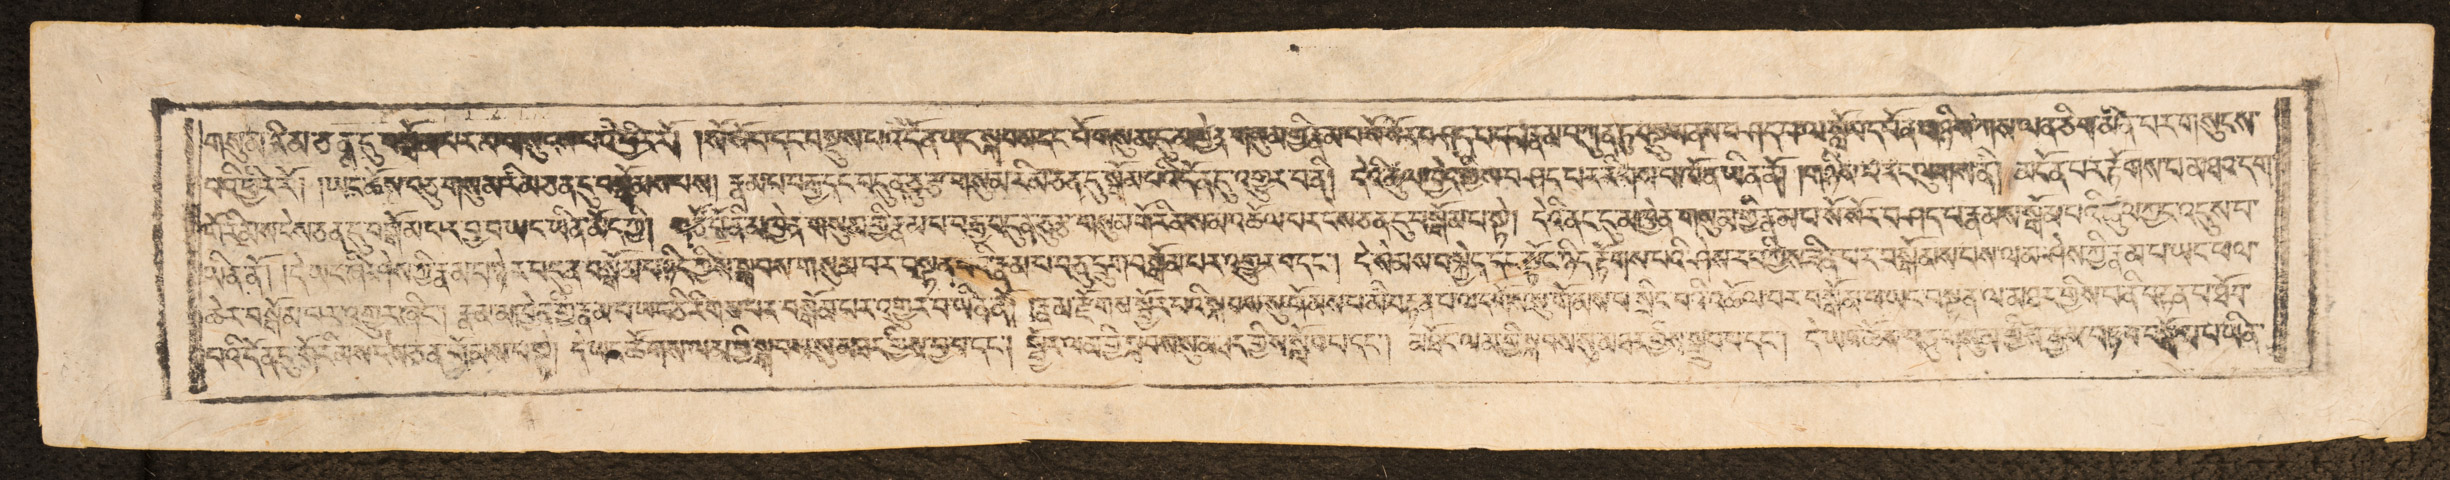གསུམ་རིམ་ཅན་དུ་བསྒོམ་པར་མ་གསུངས་པའི་ཕྱིར་རོ། །སོ་སོ་བ་དང་བསྡུས་པའི་དོན་ཡང་སྐབས་དང་པོ་གསུམ་དུ་མཁྱེན་གསུམ་གྱི་རྣམ་པ་སོ་སོར་བཤད་པ་དང་། རྣམ་པ་ཀུན་ཏུ་བསྡུས་ནས་བཤད་པ་ལ་སློབ་དཔོན་གཉིས་ཀས་ལན་ཅིག་མིན་པར་གསུངས་
པའི་ཕྱིར་རོ། །ཡང་ཆོས་བཅུ་གསུམ་རིམ་ཅན་དུ་བསྒོམས་པས། རྣམ་པ་བརྒྱ་དང་བདུན་ཅུ་རྩ་གསུམ་རིམ་ཅན་དུ་སྒོམ་པའི་དོན་དུ་འགྱུར་བ་ནི། དེའི་ཚུལ་ཁྱེད་ཀྱིས་བཤད་པར་རིགས་པ་ཁོ་ན་ཡིན་ནོ། །གཉིས་པ་རང་ལུགས་ནི། མངོན་པར་རྟོགས་པ་མཐའ་དག་
གོ་རིམས་ངེས་ཅན་དུ་བསྒོམ་པར་བྱ་བ་ཡང་ཡིན་མོད་ཀྱི། གཙོ་བོ་ནི་མཁྱེན་གསུམ་གྱི་རྣམ་པ་བརྒྱ་བདུན་ཅུ་རྩ་གསུམ་གོ་རིམས་མ་འཆོལ་པར་ངེས་ཅན་དུ་བསྒོམ་པ་སྟེ། དེའི་ནང་དུ་མཁྱེན་གསུམ་གྱི་རྣམ་པ་སོ་སོར་བཤད་པ་རྣམས་སྒོམ་པའི་ཚུལ་ཀྱང་འདུས་པ་
ཡིན་ནོ། །དེ་ཡང་ཞི་ཤེས་ཀྱི་རྣམ་པ་ཉེར་བདུན་བསྒོམ་པ་ཉིད་ཀྱིས་སྐབས་གསུམ་པར་བསྟན་པའི་རྣམ་པ་བཅུ་དྲུག་བསྒོམ་པར་འགྱུར་བ་དང་། དེ་སེམས་བསྐྱེད་དང་སྟོང་ཉིད་རྟོགས་པའི་ཤེས་རབ་ཀྱིས་ཟིན་པར་བསྒོམས་པས་ལམ་ཤེས་ཀྱི་རྣམ་པ་ཡང་ཕལ་
ཆེར་བསྒོམ་པར་འགྱུར་ཞིང་། རྣམ་མཁྱེན་གྱི་རྣམ་པ་ཡང་ཅི་རིགས་པར་བསྒོམ་པར་འགྱུར་བ་ཡིན་ནོ། །རྣམ་རྫོགས་སྦྱོར་བའི་སྐབས་སུ་གོམས་པ་མི་བརྟན་པ་ལ་དགོས་སུ་གོམས་པ་སྲིང་བའི་འཆོལ་བར་བསྒོམ་པ་ཡང་བསྟན་ལ་མཐར་གྱིས་པ་ནི་བརྟན་པ་ཐོབ་
པའི་དོན་དུ་གོ་རིམས་ངེས་ཅན་གོམས་པ་སྟེ། དེ་ཡང་ཚོགས་ལམ་གྱི་སྐབས་སུ་མཐར་གྱིས་བྱ་བ་དང་། སྦྱོར་ལམ་གྱི་སྐབས་སུ་མཐར་གྱིས་སློབ་པ་དང་། མཐོང་ལམ་གྱི་སྐབས་སུ་མཐར་གྱིས་སྒྲུབ་པ་དང་། དེ་ཡང་ཆོས་བཅུ་གསུམ་གྱིས་རྒྱས་བཏབ་བསྒོམ་པ་ཡིན་